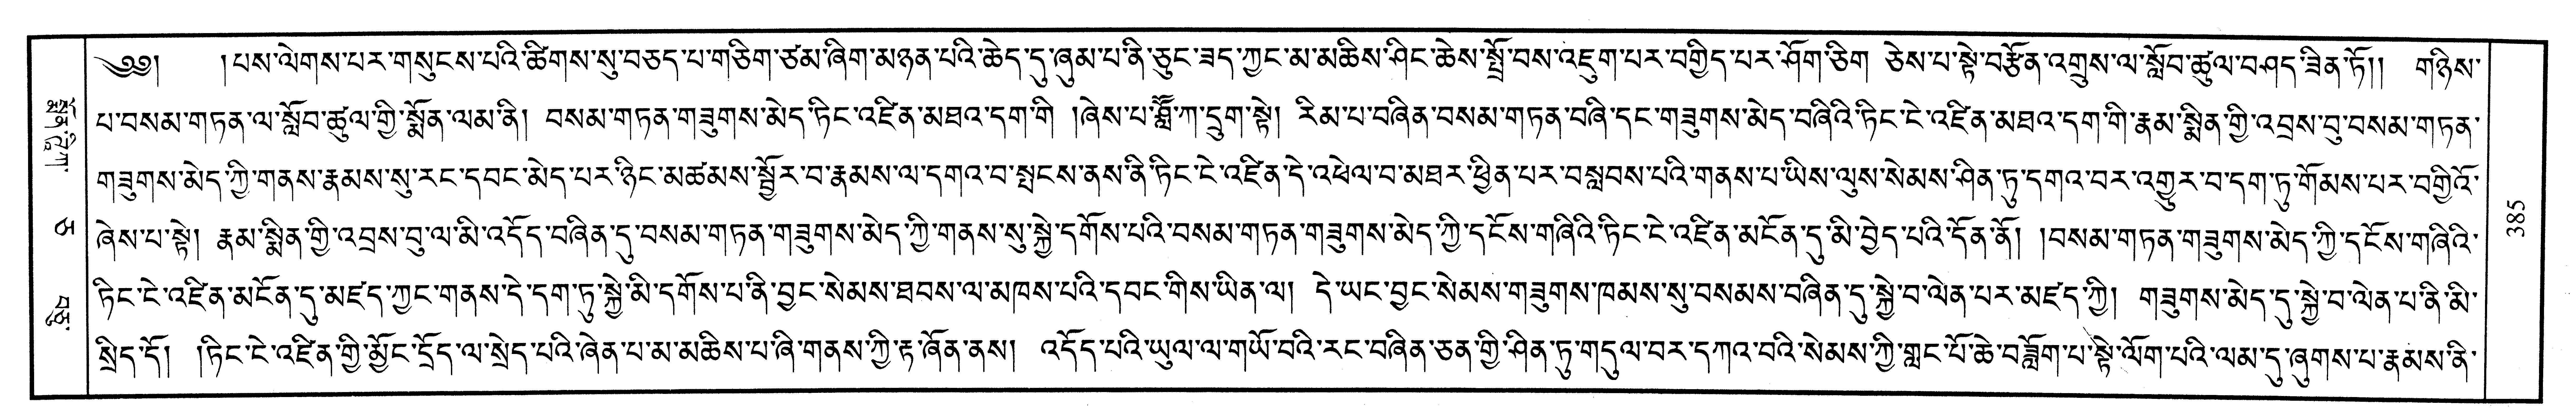༄༅། །པས་ལེགས་པར་གསུངས་པའི་ཚིགས་སུ་བཅད་པ་གཅིག་ཙམ་ཞིག་མཉན་པའི་ཆེད་དུ་ཞུམ་པ་ནི་ཅུང་ཟད་ཀྱང་མ་མཆིས་ཤིང་ཆེས་སྤྲོ་བས་འཇུག་པར་བགྱིད་པར་ཤོག་ཅིག་ཅེས་པ་སྟེ་བརྩོན་འགྲུས་ལ་སློབ་ཚུལ་བཤད་ཟིན་ཏོ།། གཉིས་
པ་བསམ་གཏན་ལ་སློབ་ཚུལ་གྱི་སྨོན་ལམ་ནི། བསམ་གཏན་གཟུགས་མེད་ཏིང་འཛིན་མཐའ་དག་གི །ཞེས་པ་ཤླཽ་ཀ་དྲུག་སྟེ། རིམ་པ་བཞིན་བསམ་གཏན་བཞི་དང་གཟུགས་མེད་བཞིའི་ཏིང་ངེ་འཛིན་མཐའ་དག་གི་རྣམ་སྨིན་གྱི་འབྲས་བུ་བསམ་གཏན་
གཟུགས་མེད་ཀྱི་གནས་རྣམས་སུ་རང་དབང་མེད་པར་ཉིང་མཚམས་སྦྱོར་བ་རྣམས་ལ་དགའ་བ་སྤངས་ནས་ནི་ཏིང་ངེ་འཛིན་དེ་འཕེལ་བ་མཐར་ཕྱིན་པར་བསླབས་པའི་གནས་པ་ཡིས་ལུས་སེམས་ཤིན་ཏུ་དགའ་བར་འགྱུར་བ་དག་ཏུ་གོམས་པར་བགྱིའོ་
ཞེས་པ་སྟེ། རྣམ་སྨིན་གྱི་འབྲས་བུ་ལ་མི་འདོད་བཞིན་དུ་བསམ་གཏན་གཟུགས་མེད་ཀྱི་གནས་སུ་སྐྱེ་དགོས་པའི་བསམ་གཏན་གཟུགས་མེད་ཀྱི་དངོས་གཞིའི་ཏིང་ངེ་འཛིན་མངོན་དུ་མི་བྱེད་པའི་དོན་ནོ། །བསམ་གཏན་གཟུགས་མེད་ཀྱི་དངོས་གཞིའི་
ཏིང་ངེ་འཛིན་མངོན་དུ་མཛད་ཀྱང་གནས་དེ་དག་ཏུ་སྐྱེ་མི་དགོས་པ་ནི་བྱང་སེམས་ཐབས་ལ་མཁས་པའི་དབང་གིས་ཡིན་ལ། དེ་ཡང་བྱང་སེམས་གཟུགས་ཁམས་སུ་བསམས་བཞིན་དུ་སྐྱེ་བ་ལེན་པར་མཛད་ཀྱི། གཟུགས་མེད་དུ་སྐྱེ་བ་ལེན་པ་ནི་མི་
སྲིད་དོ། །ཏིང་ངེ་འཛིན་གྱི་མྱོང་དྲོད་ལ་སྲེད་པའི་ཞེན་པ་མ་མཆིས་པ་ཞི་གནས་ཀྱི་རྟ་ཞོན་ནས། འདོད་པའི་ཡུལ་ལ་གཡོ་བའི་རང་བཞིན་ཅན་གྱི་ཤིན་ཏུ་གདུལ་བར་དཀའ་བའི་སེམས་ཀྱི་གླང་པོ་ཆེ་བཟློག་པ་སྟེ་ལོག་པའི་ལམ་དུ་ཞུགས་པ་རྣམས་ནི་